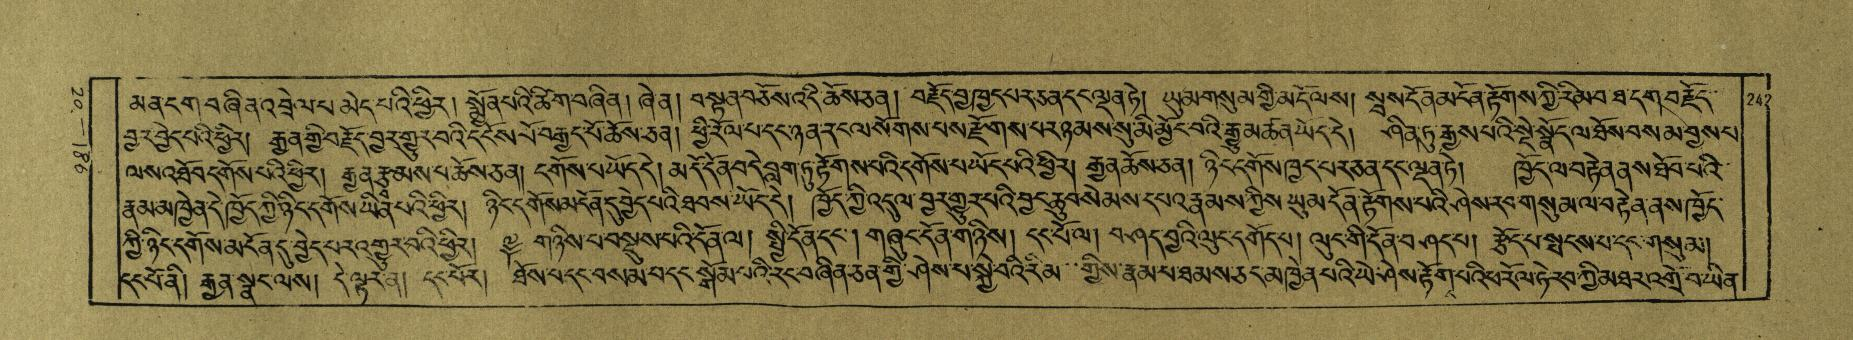མན་ངག་བཞིན་འབྲེལ་པ་མེད་པའི་ཕྱིར། སྨྱོན་པའི་ཚིག་བཞིན། ཞེ་ན། བསྟན་བཅོས་འདི་ཆོས་ཅན། བརྗོད་བྱ་ཁྱད་པར་ཅན་དང་ལྡན་ཏེ། ཡུམ་གསུམ་གྱི་མདོ་ལས། སྦས་དོན་མངོན་རྟོགས་ཀྱི་རིམ་བ་ཐ་དག་བརྗོད་
བྱར་བྱེད་པའི་ཕྱིར། རྒྱན་གྱི་བརྗོད་བྱར་གྱུར་བའི་དངོས་པོ་བརྒྱད་པོ་ཆོས་ཅན། ཕྱི་རོལ་པ་དང་ཉན་རང་ལ་སོགས་པས་རྫོགས་པར་ཉམས་སུ་མི་མྱོང་བའི་རྒྱུ་མཚན་ཡོད་དེ། ཤིན་ཏུ་རྒྱས་པའི་སྡེ་སྣོད་ལ་ཐོས་བསམ་བྱས་པ་
ལས་འཐོབ་དགོས་པའི་ཕྱིར། རྒྱན་རྩམས་པ་ཆོས་ཅན། དགོས་པ་ཡོད་དེ། མདོ་དོན་བདེ་བླག་ཏུ་རྟོགས་པའི་དགོས་པ་ཡོད་པའི་ཕྱིར། རྒྱན་ཆོས་ཅན། ཉིད་དགོས་ཁྱད་པར་ཅན་དང་ལྡན་ཏེ། ཁྱོད་ལ་བརྟེན་ནས་ཐོབ་པའི་
རྣམ་མཁྱེན་དེ་ཁྱོད་ཀྱི་ཉིང་དགོས་ཡིན་པའི་ཕྱིར། ཉིང་དགོས་མངོན་དུ་བྱེད་པའི་ཐབས་ཡོད་དེ། ཁྱོད་ཀྱི་འདུལ་བྱར་གྱུར་པའི་བྱང་ཆུབ་སེམས་དཔའ་རྣམས་ཀྱིས་ཡུམ་དོན་རྟོགས་པའི་ཤེས་རབ་གསུམ་ལ་བརྟེན་ནས་ཁྱོད་
ཀྱི་ཉིང་དགོས་མངོན་དུ་བྱེད་པར་འགྱུར་བའི་ཕྱིར། ༈ གཉིས་པ་བསྡུས་པའི་དོན་ལ། སྤྱི་དོན་དང་། གཞུང་དོན་གཉིས། དང་པོ་ལ། བཤད་བྱའི་ལུང་དགོད་པ། ལུང་གི་དོན་བཤད་པ། རྩོད་པ་སྤངས་པ་དང་གསུམ།
དང་པོ་ནི། རྒྱན་སྣང་ལས། དེ་ལྟར་ན། དང་པོར། ཐོས་པ་དང་བསམ་བ་དང་སྒོམ་པའི་རང་བཞིན་ཅན་གྱི་ཤེས་པ་སྐྱེ་བའི་རིམ་གྱིས་རྣམ་པ་ཐམས་ཅད་མཁྱེན་པའི་ཡེ་ཤེས་རྟོགས་པའི་ཕ་རོལ་ཏེ་རབ་ཀྱི་མཐར་འགྲོ་བ་ཡིན་